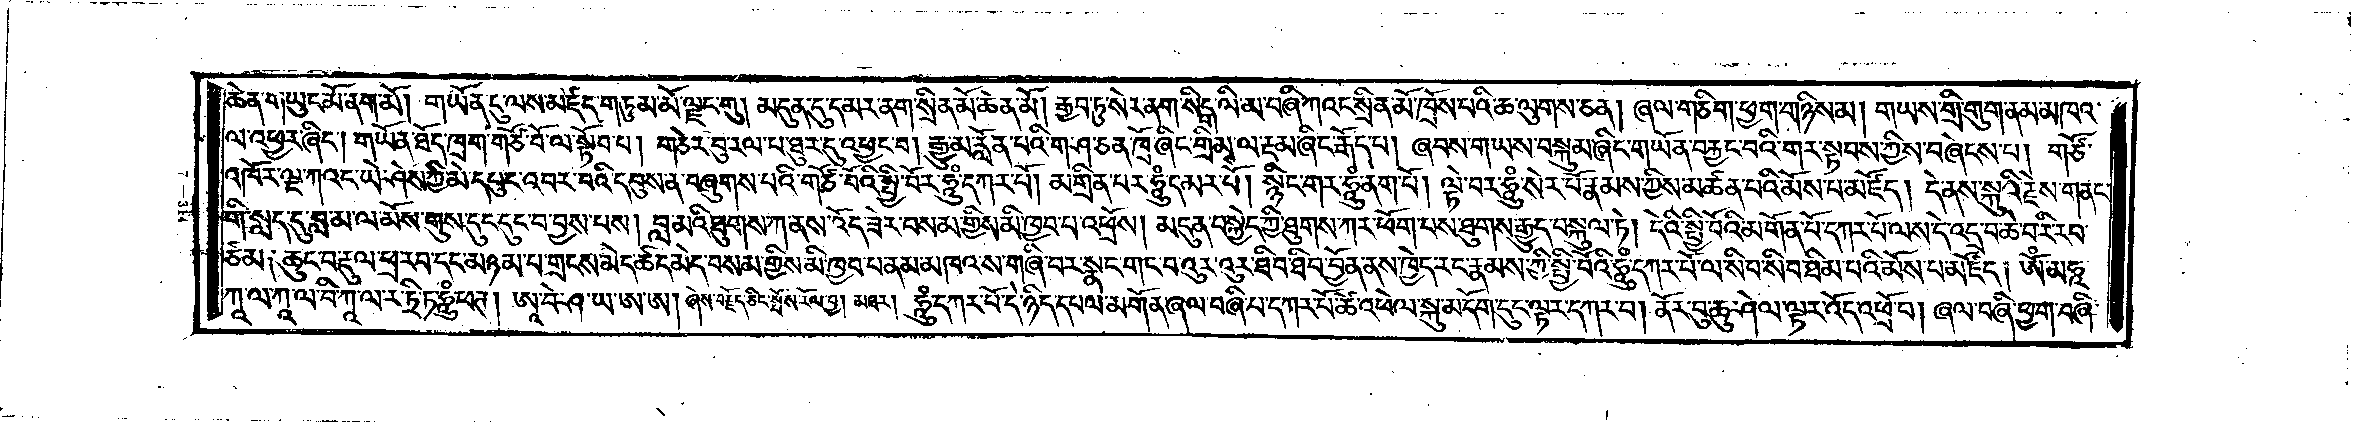ཆེན་གཡུང་མོ་ནག་མོ། གཡོན་དུ་ལས་མཛད་གཏུམ་མོ་ལྗང་གུ། མདུན་དུ་དམར་ནག་སྲིན་མོ་ཆེན་མོ། རྒྱབ་ཏུ་སེར་ནག་སིངྒ་ལིམ་བཞི་ཀའང་སྲིན་མོ་ཁྲོས་པའི་ཆ་ལུགས་ཅན། ཞལ་གཅིག་ཕྱག་གཉིས་མ། གཡས་གྲི་གུག་ནམ་མཁའ་
ལ་འཕྱར་ཞིང་། གཡོན་ཐོད་ཁྲག་གཙོ་བོ་ལ་སྟོབ་པ། གཅེར་བུ་རལ་པ་ཐུར་དུ་འཕྱང་བ། རྒྱུ་མ་རློན་པའི་ག་ཤ་ཅན་ཁྲོ་ཞིང་གྲིམས་ལ་རྔམ་ཞིང་རྒོད་པ། ཞབས་གཡས་བསྐུམ་ཞིང་གཡོན་བརྐྱང་བའི་གར་སྟབས་ཀྱིས་བཞེངས་པ། གཙོ་
འཁོར་ལྔ་ཀའང་ཡེ་ཤེས་ཀྱི་མེ་དཔུང་འབར་བའི་དབུས་ན་བཞུགས་པའི་གཙོ་བོའི་སྤྱི་བོར་ཧཱུཾ་དཀར་པོ། མགྲིན་པར་ཧཱུཾ་དམར་པོ། སྙིང་གར་ཧཱུཾ་ནག་པོ། ལྟེ་བར་ཧཱུཾ་སེར་པོ་རྣམས་ཀྱིས་མཚན་པའི་མོས་པ་མཛོད། དེ་ནས་སྐུའི་རྗེས་གནང་
གི་སླད་དུ་བླ་མ་ལ་མོས་གུས་དུང་དུང་བ་བྱས་པས། བླ་མའི་ཐུགས་ཀ་ནས་འོད་ཟེར་བསམ་གྱིས་མི་ཁྱབ་པ་འཕྲོས། མདུན་བསྐྱེད་ཀྱི་ཐུགས་ཀར་ཕོག་པས་ཐུགས་རྒྱུད་བསྐུལ་ཏེ། དེའི་སྤྱི་བོའི་མགོན་པོ་དཀར་པོ་ལས་དེ་འདྲ་བ་ཆེ་བ་རི་རབ་
ཙམ༑ ཆུང་བརྡུལ་ཕྲ་རབ་དང་མཉམ་པ་གྲངས་མེད་ཚད་མེད་བསམ་གྱིས་མི་ཁྱབ་པ་ནམ་མཁའ་ས་གཞི་བར་སྣང་གང་བ་འུར་འུར་ཐིབ་ཐིབ་བྱོན་ནས་ཁྱེད་རང་རྣམས་ཀྱི་སྤྱི་བོའི་ཧཱུཾ་དཀར་པོ་ལ་སིབ་སིབ་ཐིམ་པའི་མོས་པ་མཛོད། ཨོཾ་མཧཱ་
ཀཱ་ལ་ཀཱ་ལ་བི་ཀཱ་ལར་ཏྲི་ཏ་ཧཱུཾ་ཕཊ། ཨཱ་བེ་ཤ་ཡ་ཨ་ཨ། ཞེས་བརྗོད་ཅིང་སྤོས་རོལ་བྱ། མཐར། ཧཱུཾ་དཀར་པོ་དེ་ཉིད་དཔལ་མགོན་ཞལ་བཞི་པ་དཀར་པོ་ཚེ་འཕེལ་སྐུ་མདོག་དུང་ལྟར་དཀར་བ། ནོར་བུ་ཆུ་ཤེལ་ལྟར་འོད་འཕྲོ་བ། ཞལ་བཞི་ཕྱག་བཞི་